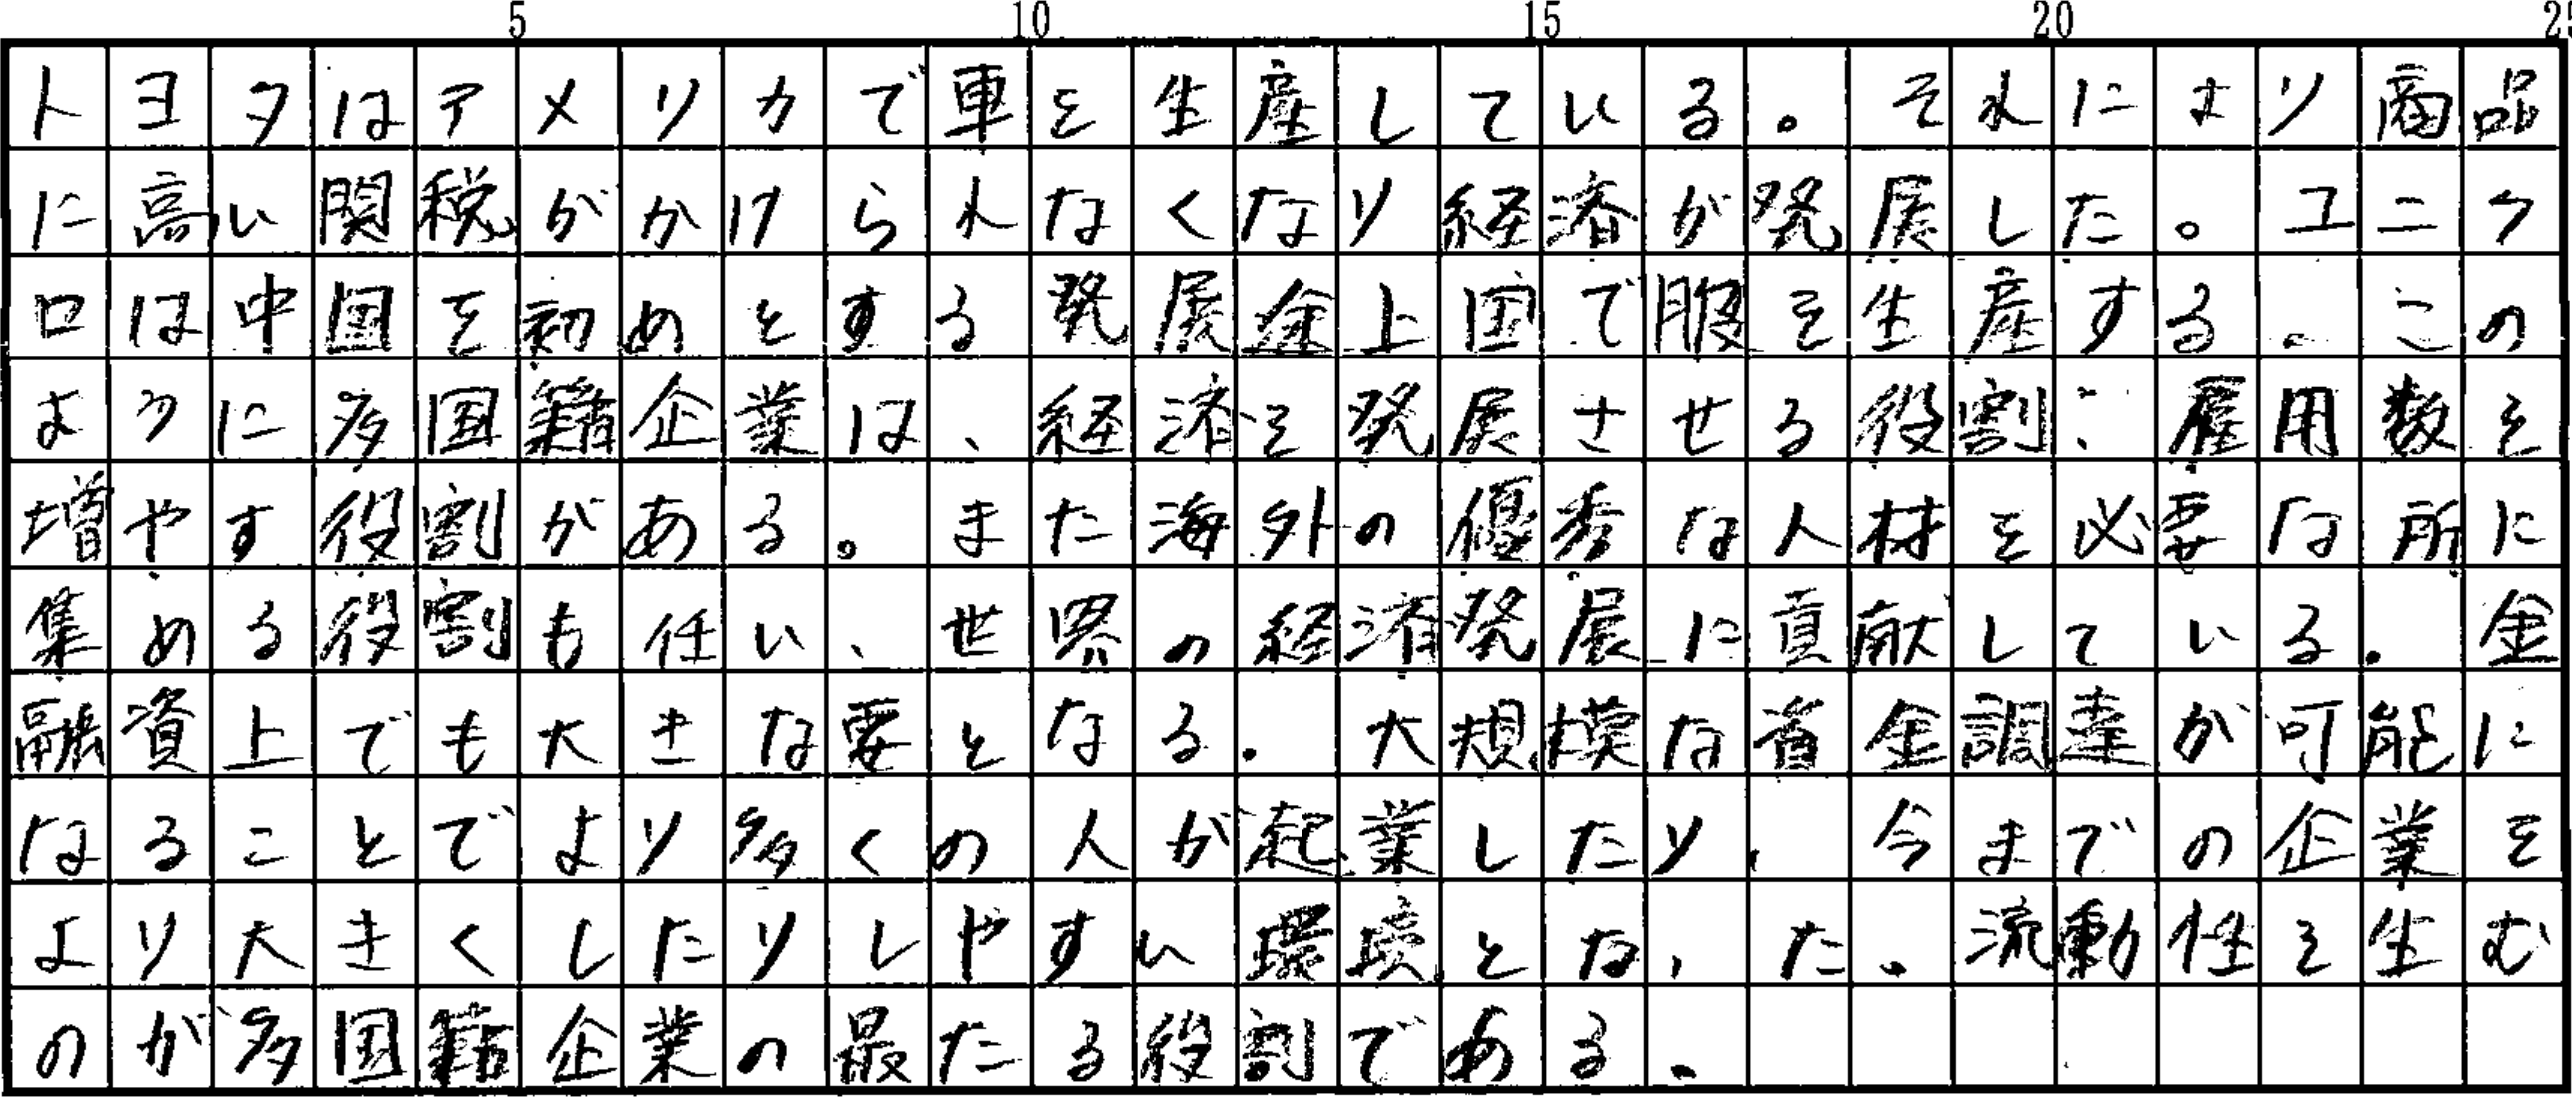トヨタはアメリカで車を生産している。それにより商品に高い関税がかけられなくなり経済が発展した。ユニクロは中国を初めとする発展途上国で服を生産する。このように多国籍企業は、経済を発展させる役割、雇用数を増やす役割がある。また海外の優秀な人材を必要な所に集める役割も任い、世界の経済発展に貢献している。金融資上でも大きな要となる。大規模な資金調達が可能になることでより多くの人が起業したり、今までの企業をより大きくしたりしやすい環境となった。流動性を生むのが多国籍企業の最たる役割である。
